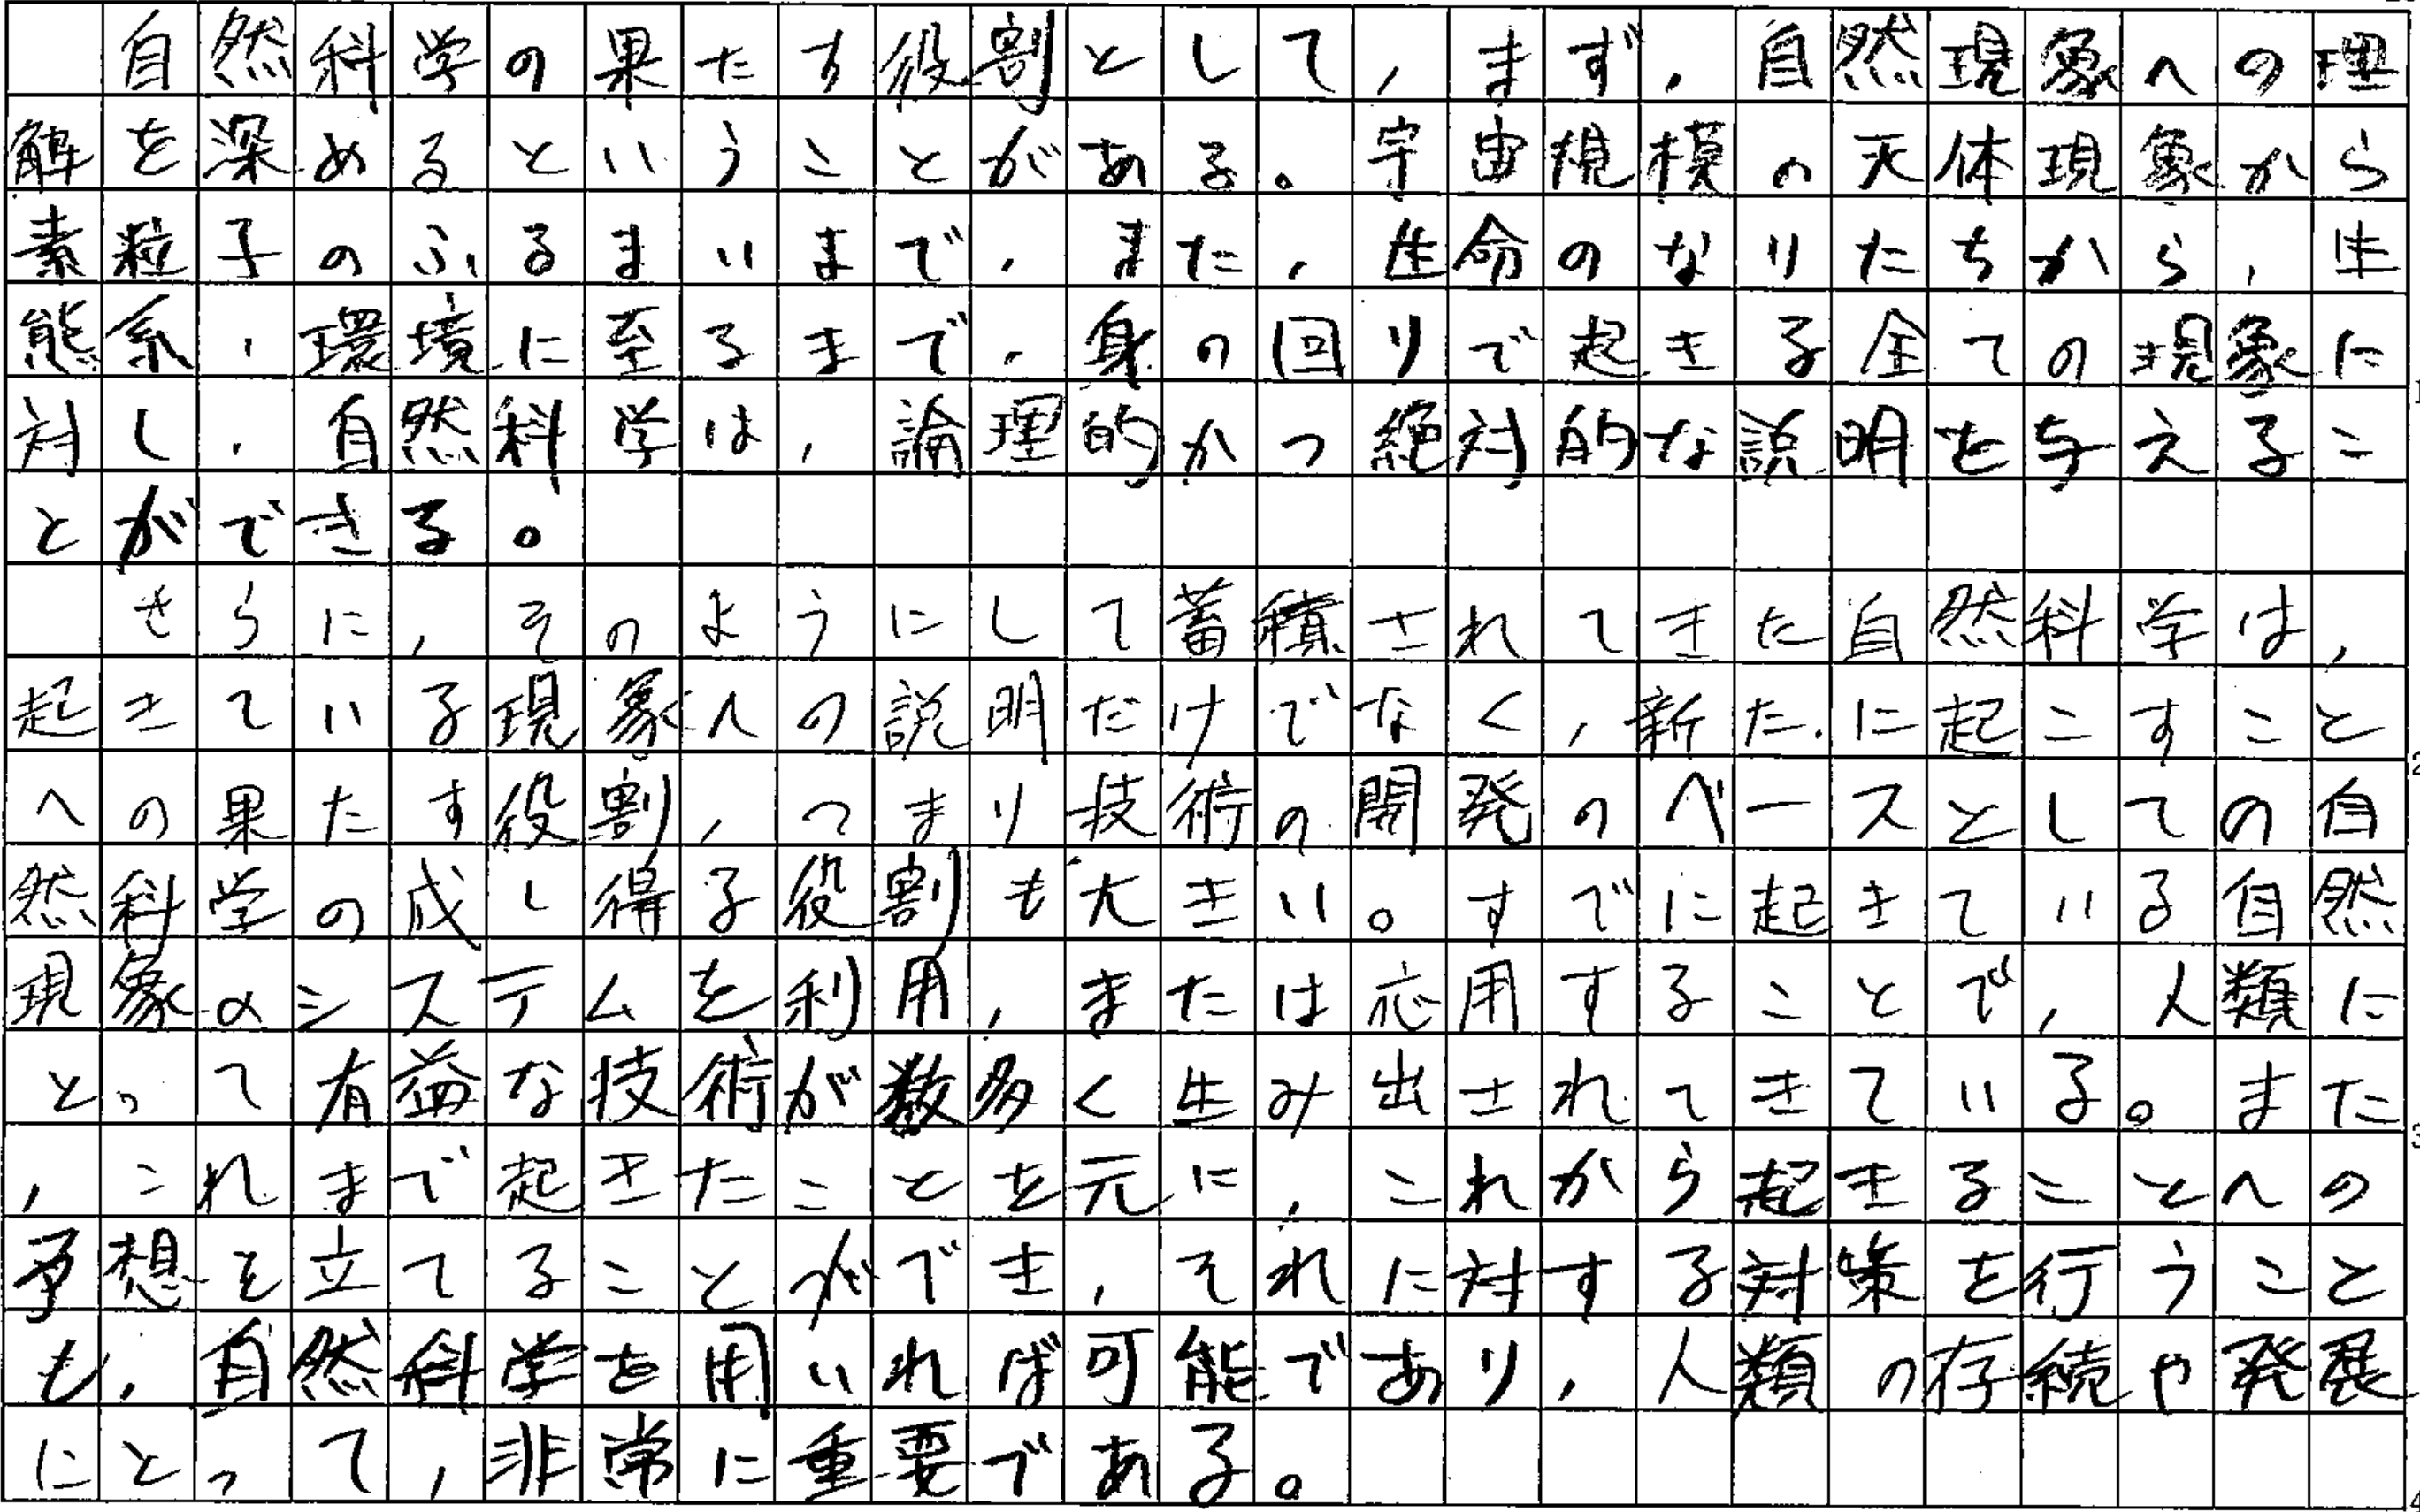　自然科学の果たす役割として、まず、自然現象への理解を深めるということがある。宇宙規模の天体現象から素粒子のふるまいまで、また、生命のなりたちから、生態系・環境に至るまで、身の回りで起きる全ての現象に対し、自然科学は、論理的かつ絶対的な説明を与えることができる。
　さらに、そのようにして蓄積されてきた自然科学は、起きている現象への説明だけでなく、新たに起こすことへの果たす役割、つまり技術の開発のベースとしての自然科学の成し得る役割も大きい。すでに起きている自然現象のシステムを利用、または応用することで、人類にとって有益な技術が数多く生み出されてきている。また、これまで起きたことを元に、これから起きることへの予想を立てることができ、それに対する対策を行うことも、自然科学を用いれば可能であり、人類の存続や発展にとって、非常に重要である。
